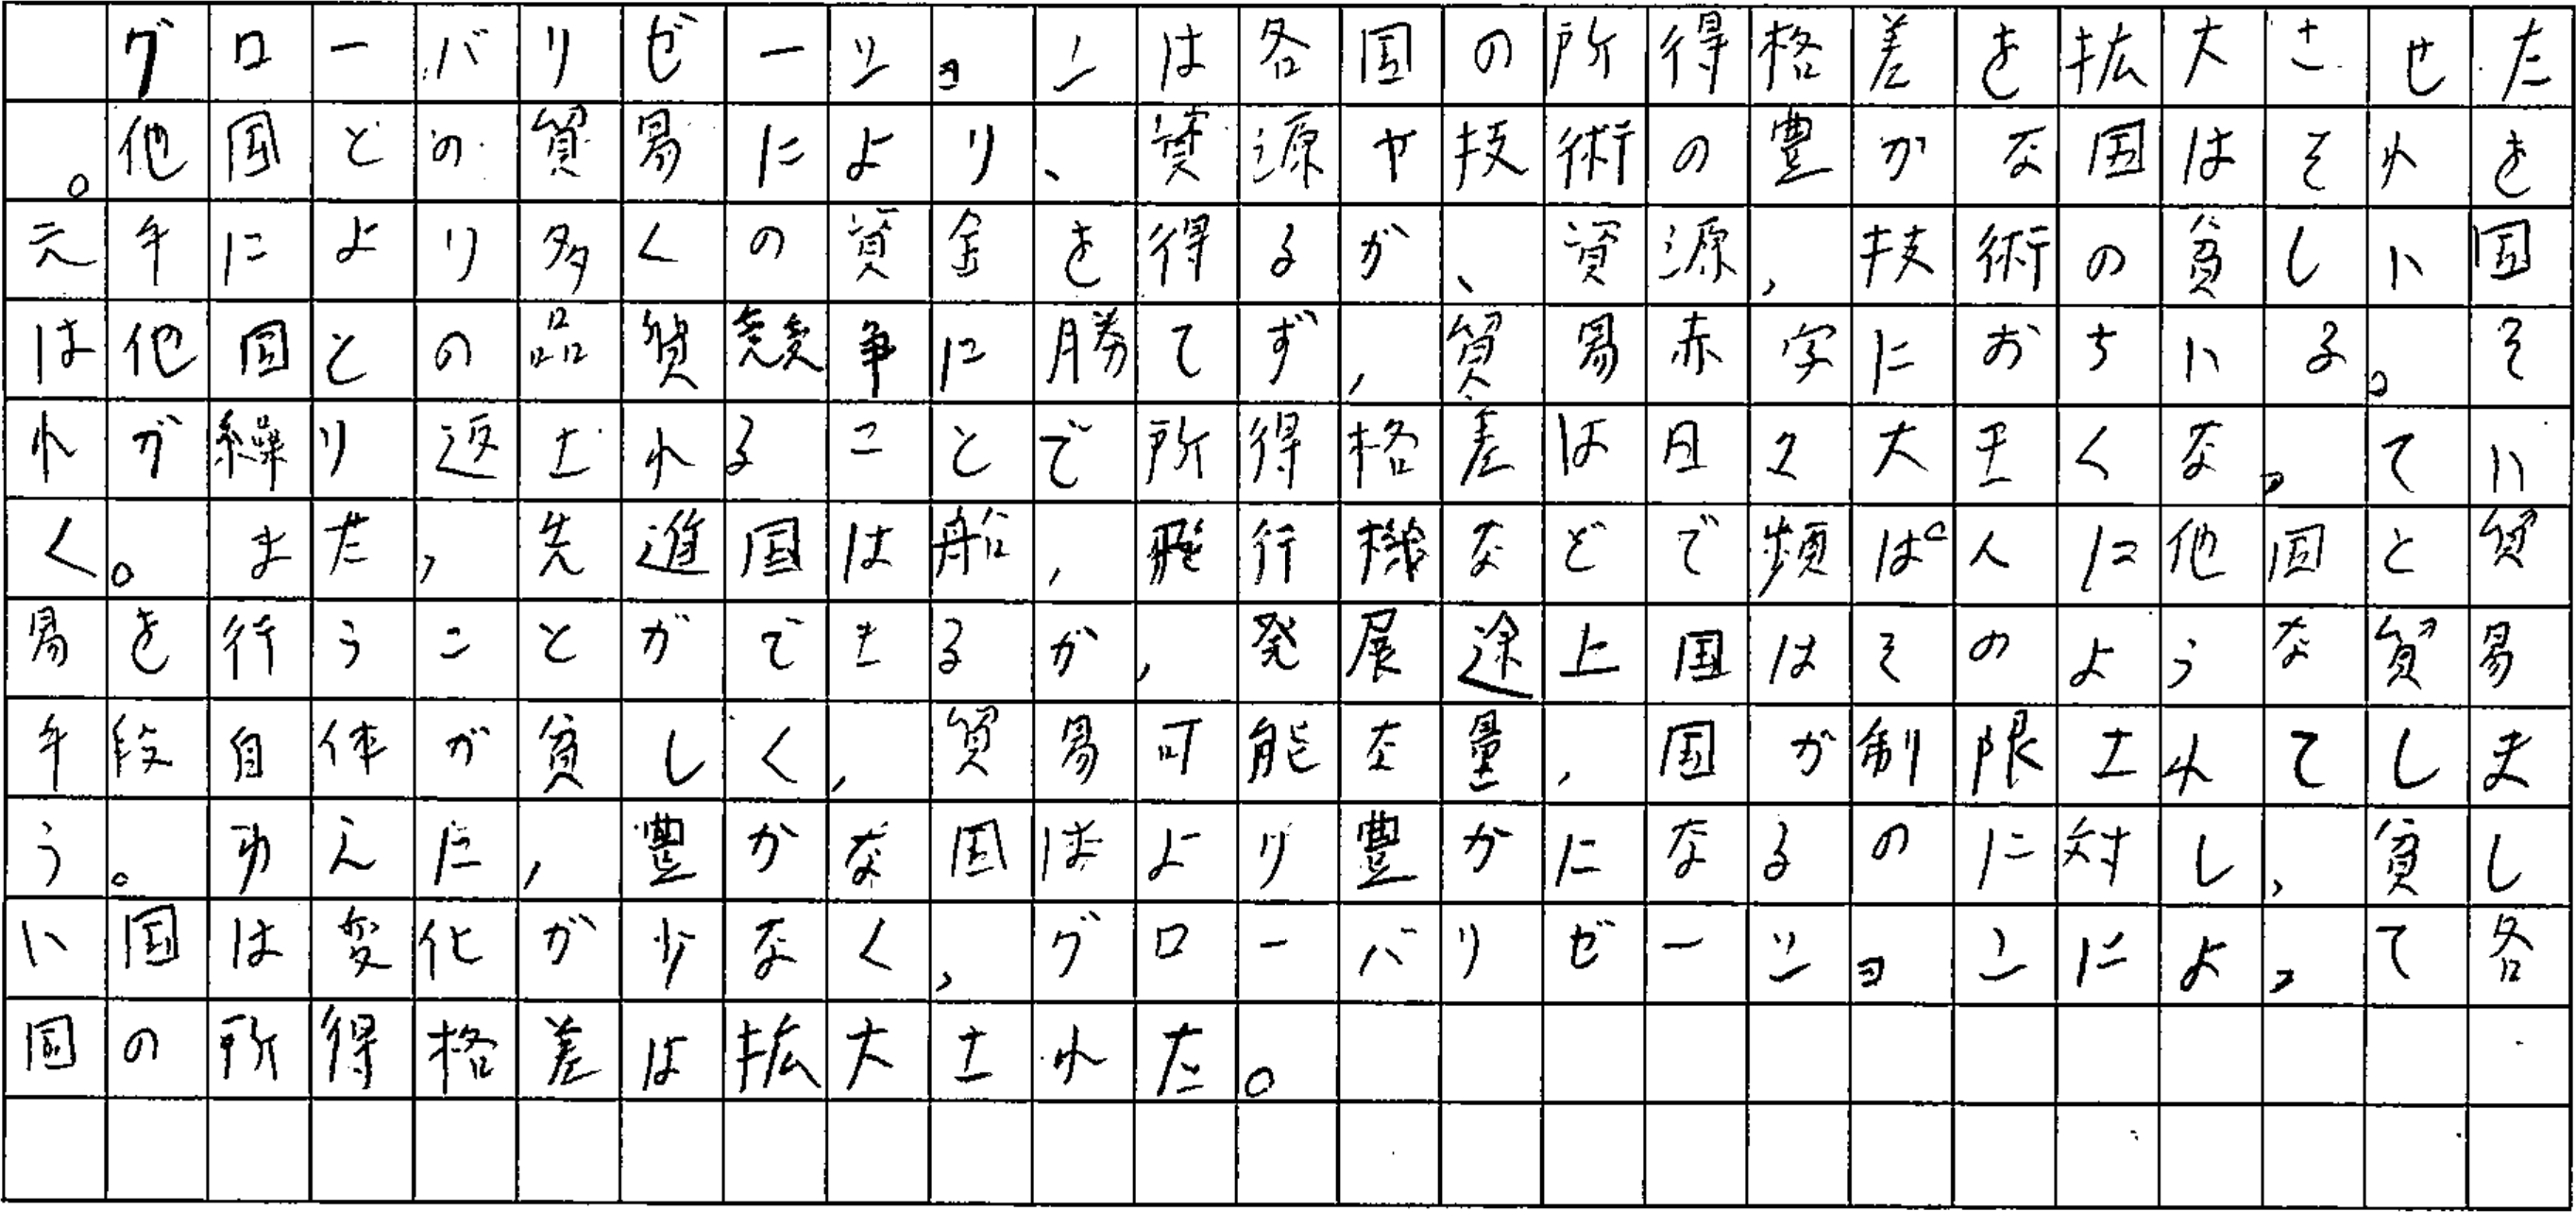　グローバリゼーションは各国の所得格差を拡大させた。他国との貿易により、資源や技術の豊かな国はそれを元手により多くの資金を得るが、資源、技術の貧しい国は他国との品質競争に勝てず、貿易赤字におちいる。それが繰り返されることで所得格差は日々大きくなっていく。また、先進国は船、飛行機などで頻ぱんに他国と貿易を行うことができるが、発展途上国はそのような貿易手段自体が貧しく、貿易可能な量、国が制限されてしまう。ゆえに、豊かな国はより豊かになるのに対し、貧しい国は変化が少なく、グローバリゼーションによって各国の所得格差は拡大された。
